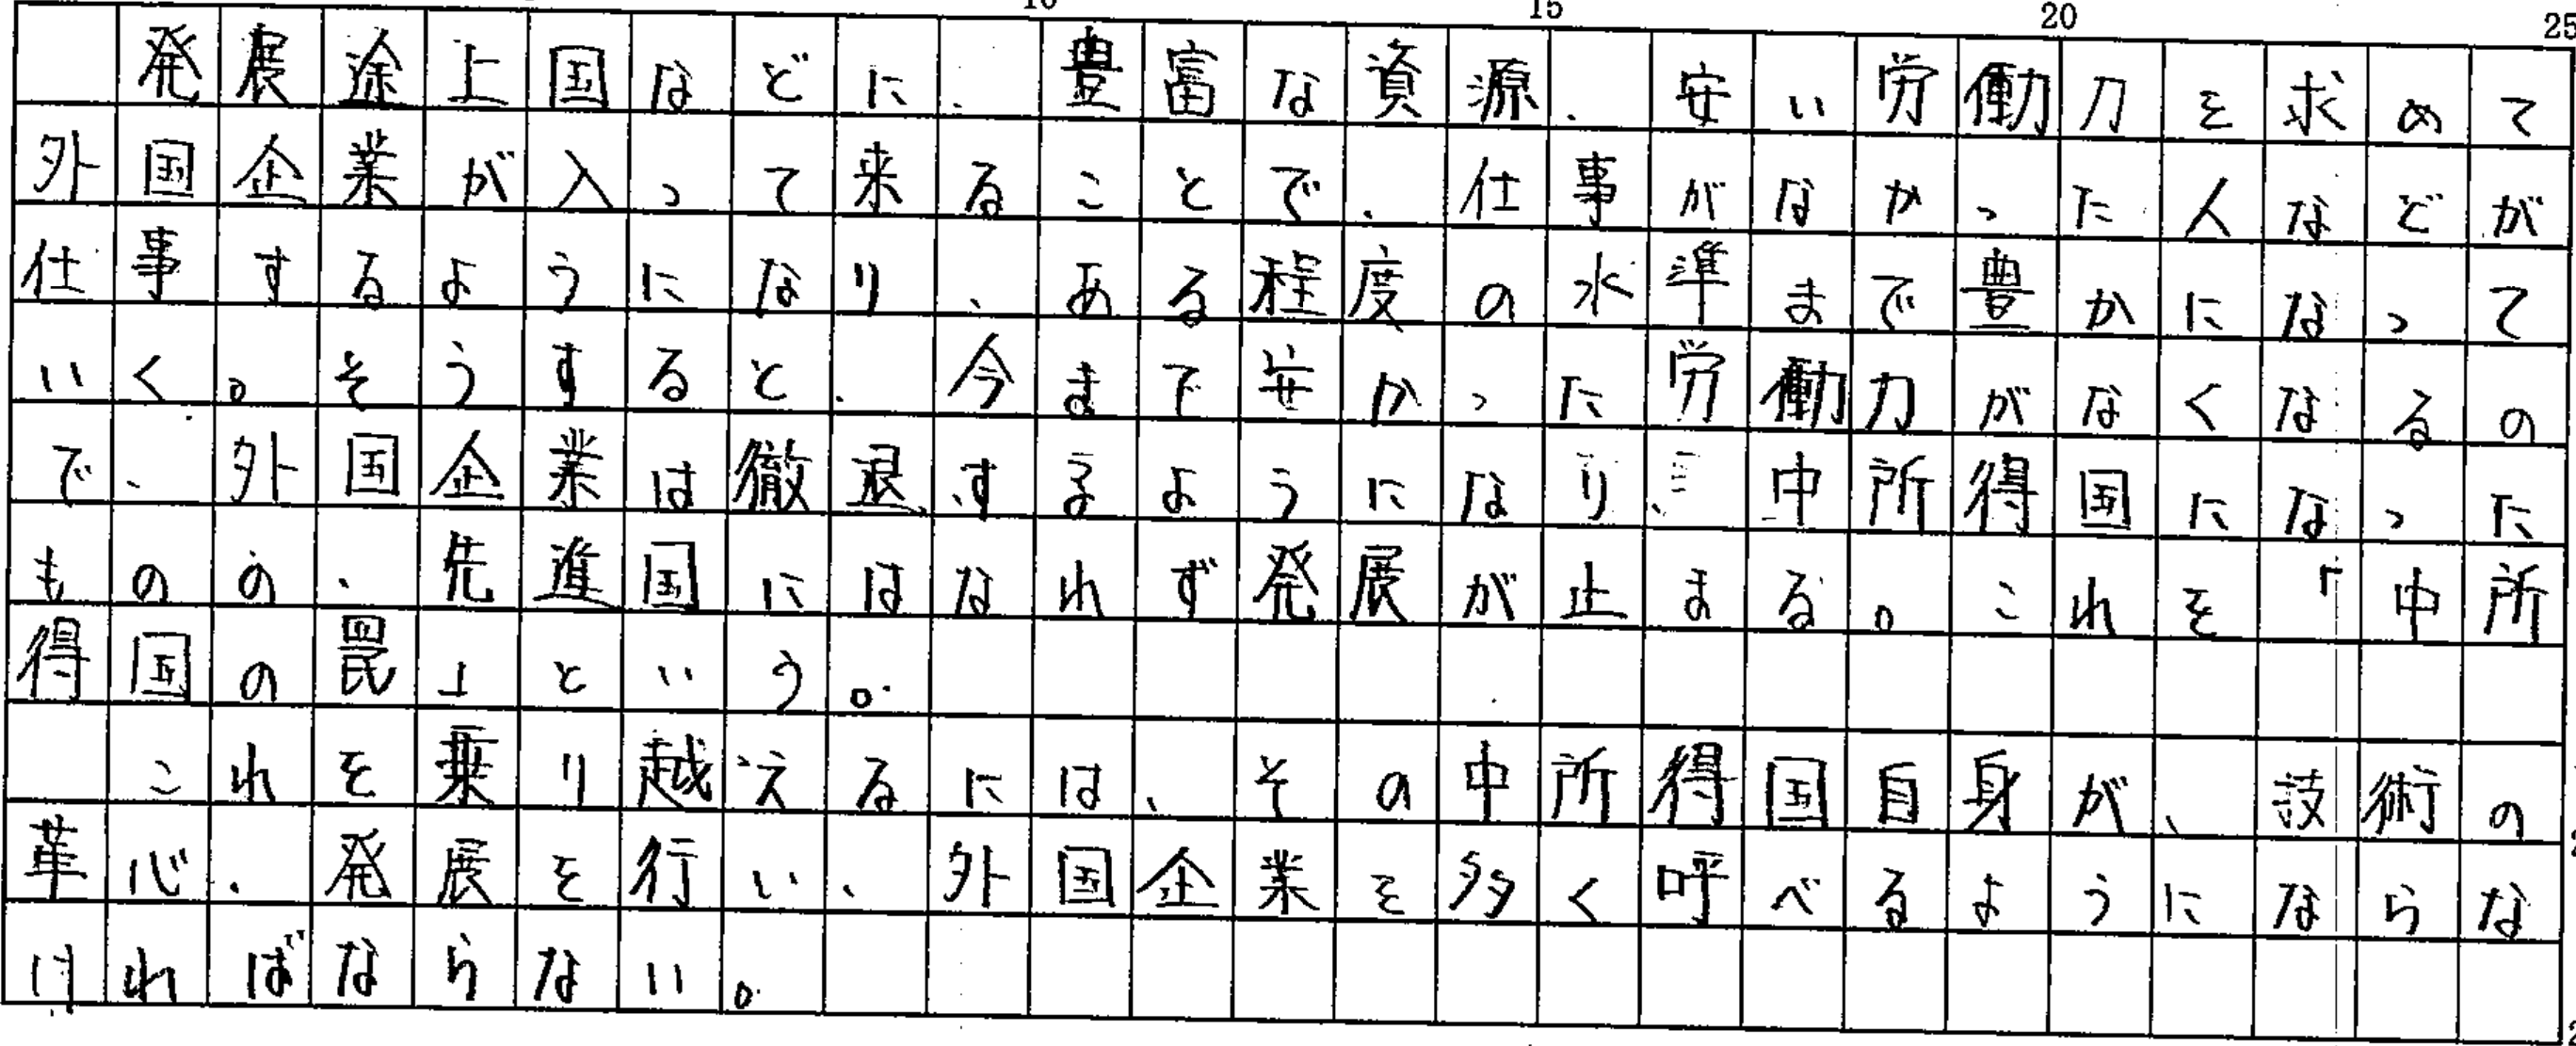　発展途上国などに、豊富な資源、安い労働刀を求めて外国企業が入って来ることで、仕事がなかった人などが仕事するようになり、ある程度の水準まで豊かになっていく。そうすると、今まで安かった労働力がなくなるので、外国企業は徹退するようになり、中所得国になったものの、先進国にはなれず発展が止まる。これを「中所得国の罠」という。
　これを乗り越えるには、その中所得国自身が、技術の革心、発展を行い、外国企業を多く呼べるようにならなければならない。
